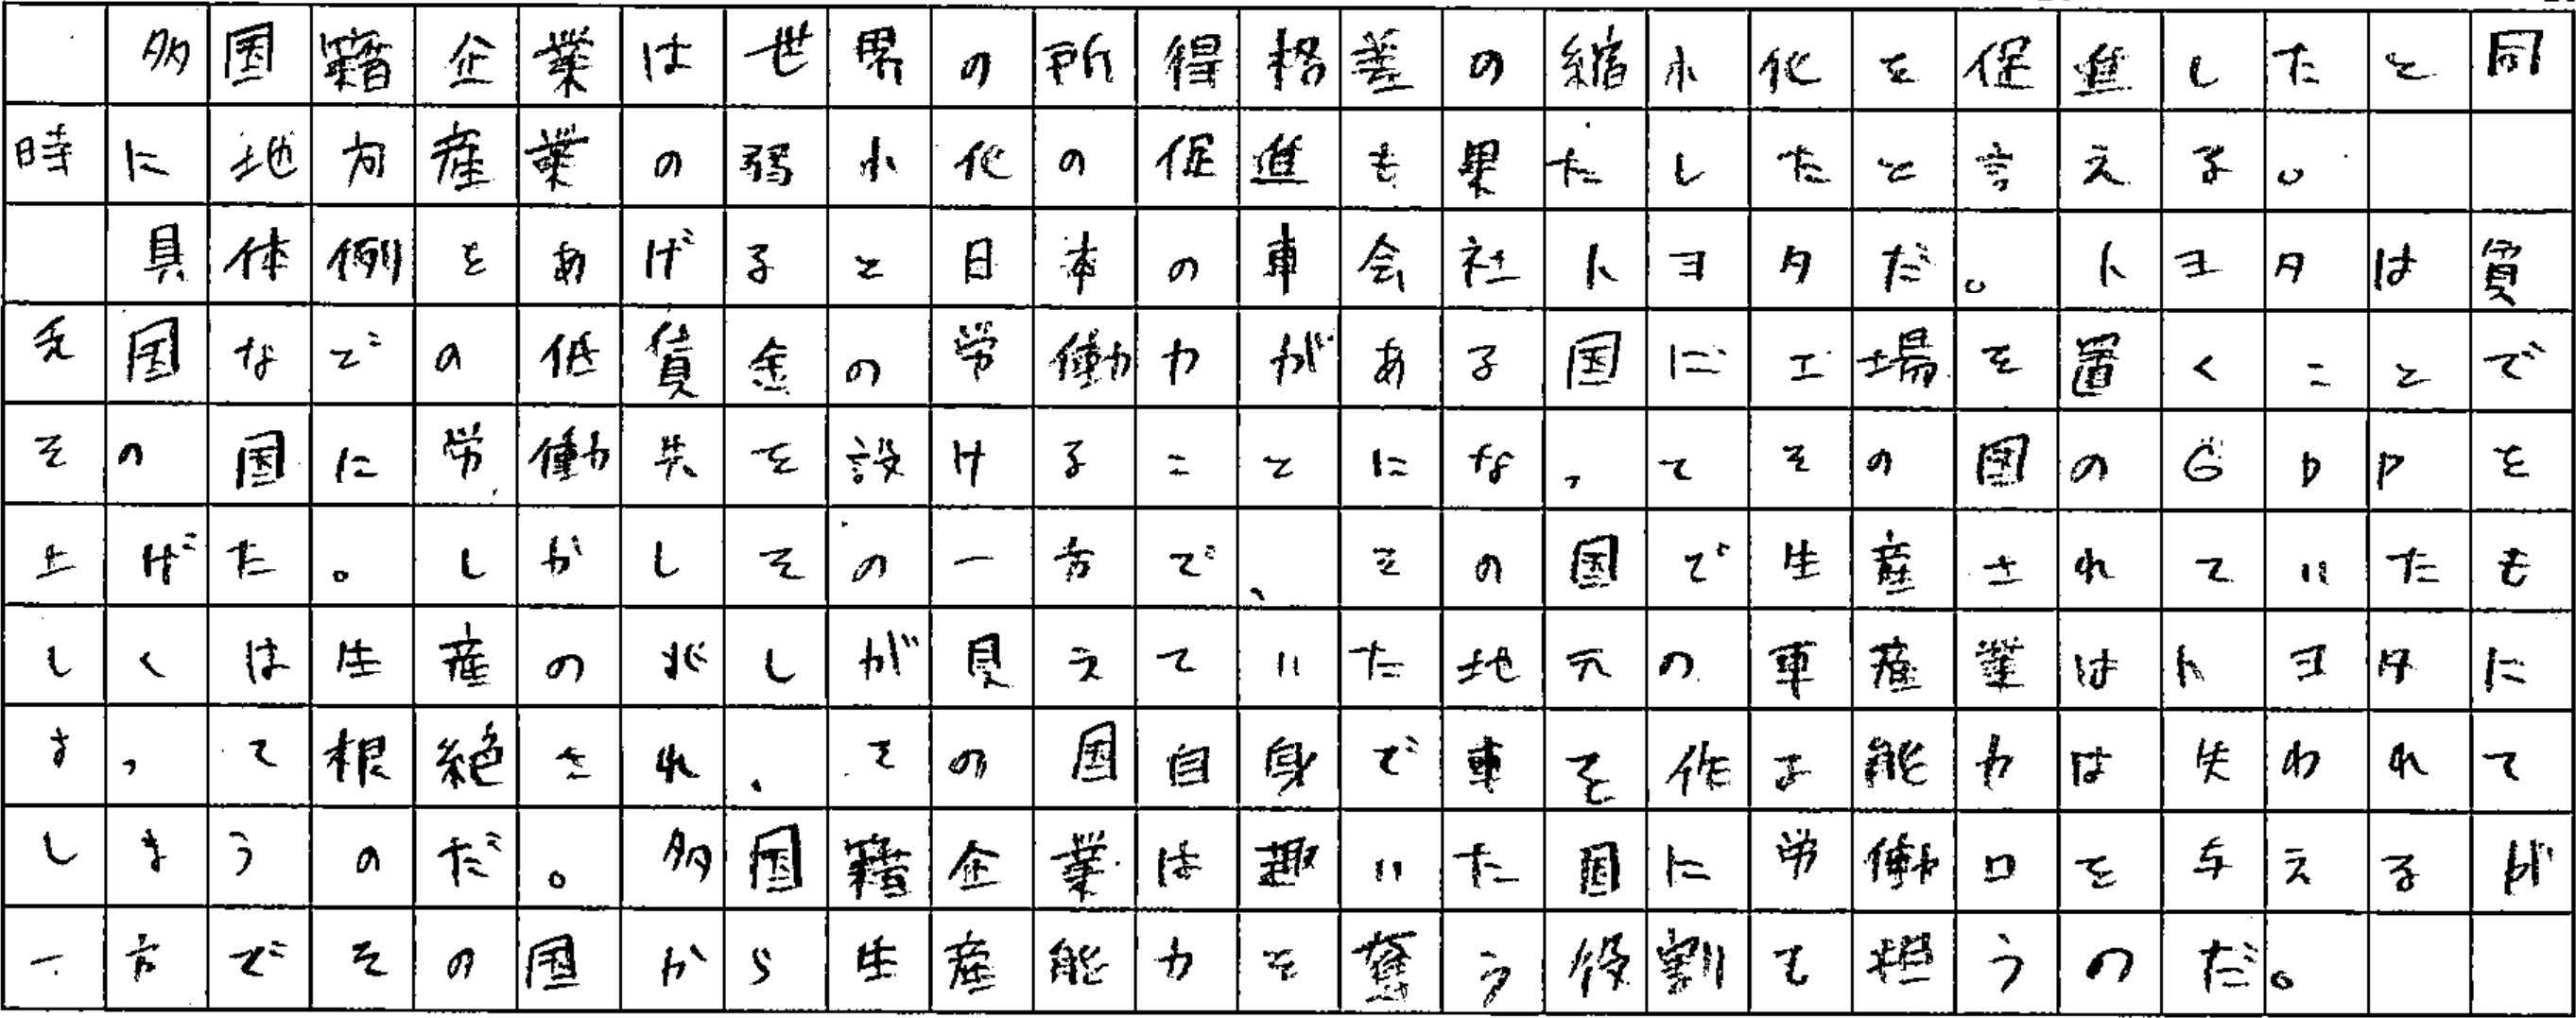　多国籍企業は世界の所得格差の縮小化を促進したと同時に地方産業の弱小化の促進も果たしたと言える。
　具体例をあげると日本の車会社トヨタだ。トヨタは貧乏国などの低賃金の労働力がある国に工場を置くことでその国に労働先を設けることになってその国のＧＤＰを上げた。しかしその一方で、その国で生産されていたもしくは生産の兆しが見えていた地元の車産業はトヨタによって根絶され、その国自身で車を作る能力は失われてしまうのだ。多国籍企業は趣いた国に労働口を与えるが一方でその国から生産能力を奪う役割も担うのだ。
